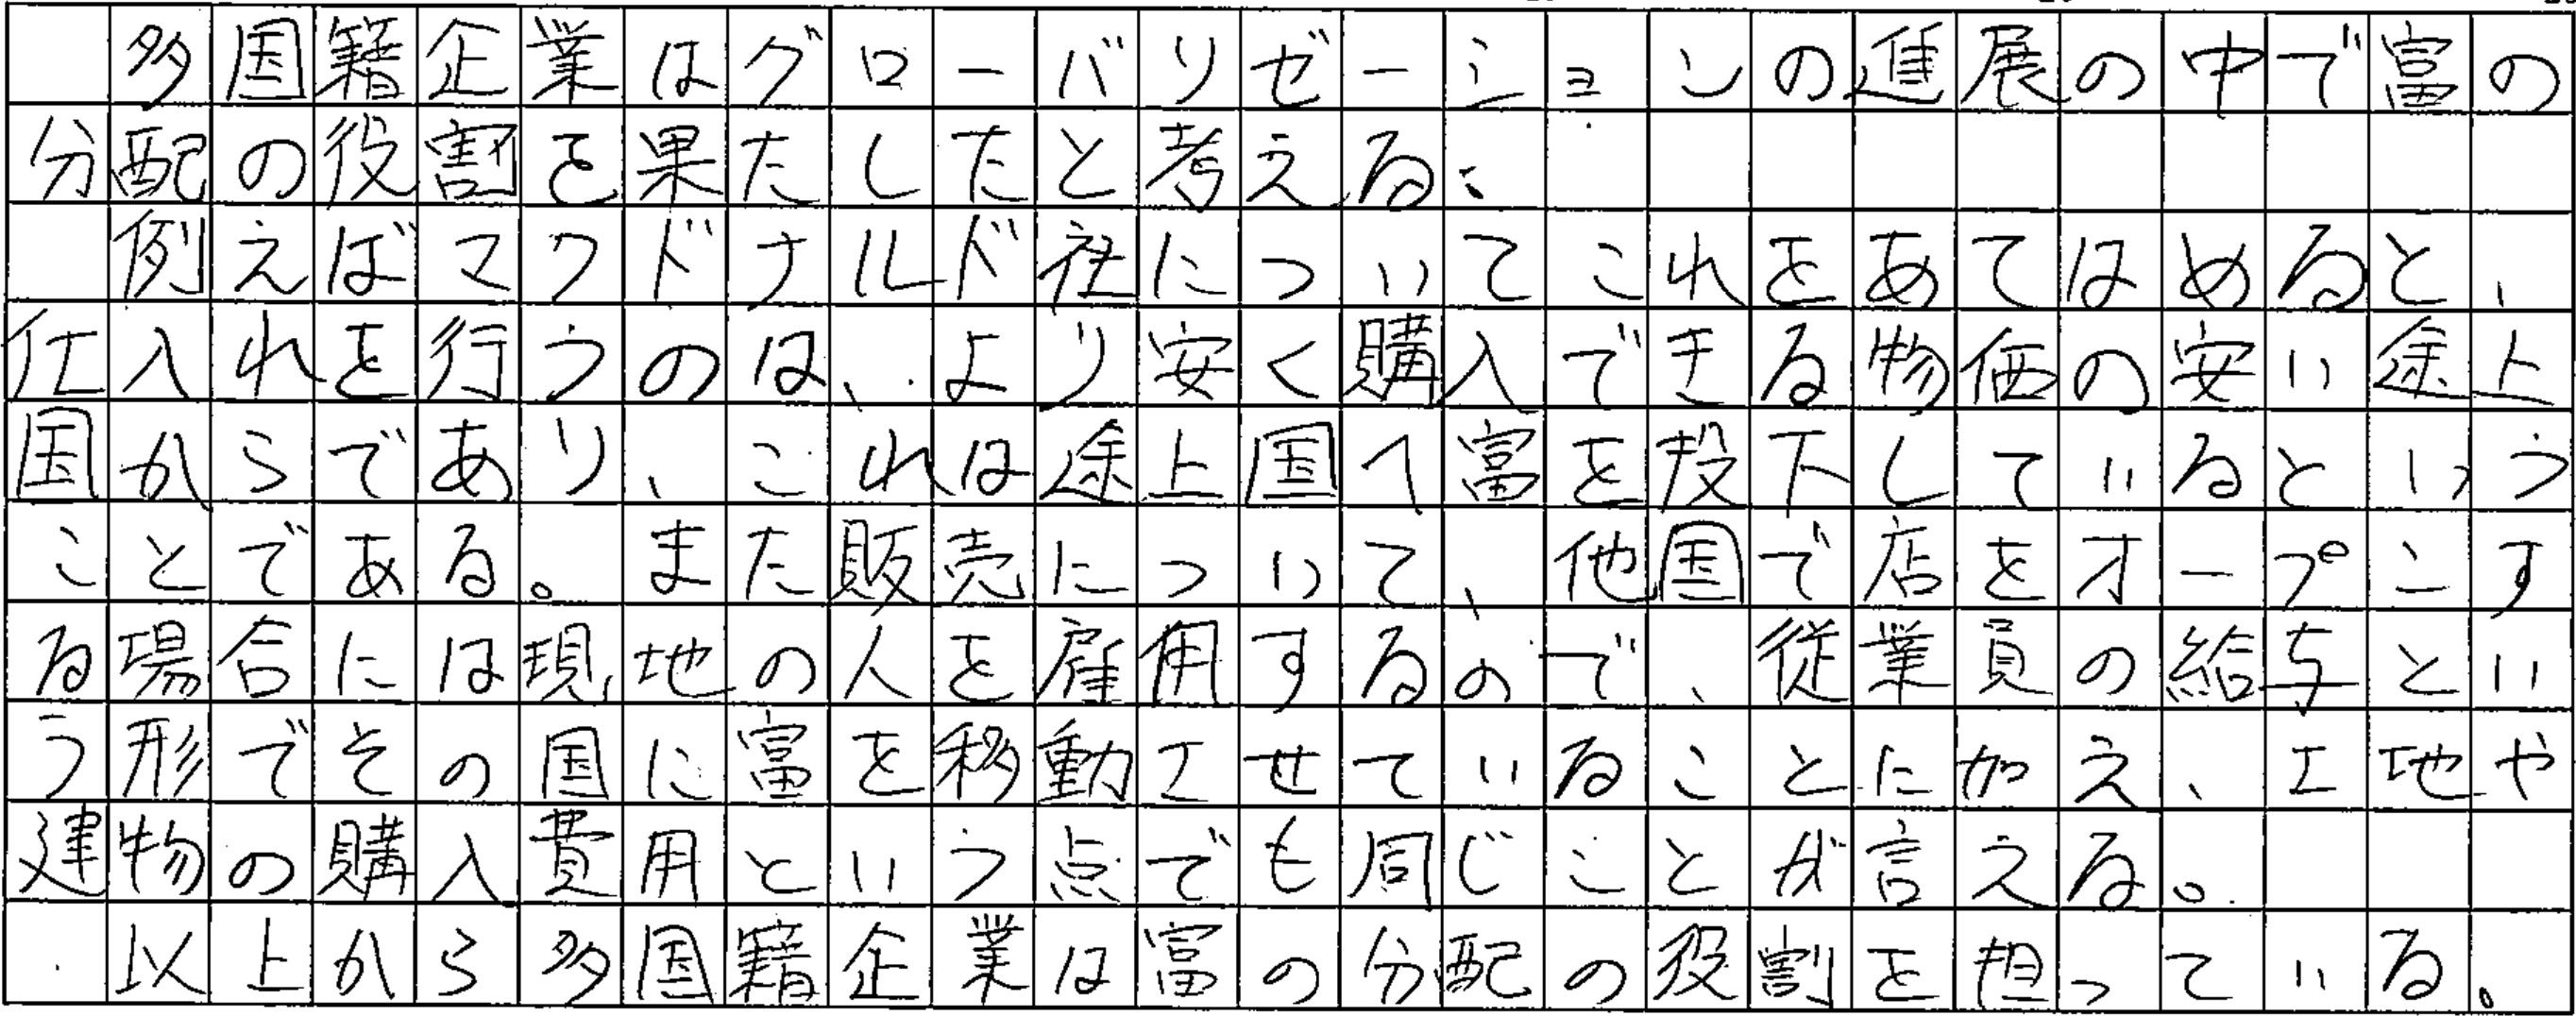　多国籍企業はグローバリゼーションの進展の中で富の分配の役割を果たしたと考える。
　例えばマクドナルド社についてこれをあてはめると、仕入れを行うのは、より安く購入できる物価の安い途上国からであり、これは途上国へ富を投下しているということである。また販売について、他国で店をオープンする場合には現地の人を雇用するので、従業員の給与という形でその国に富を移動させていることに加え、土地や建物の購入費用という点でも同じことが言える。
　以上から多国籍企業は富の分配の役割を担っている。
